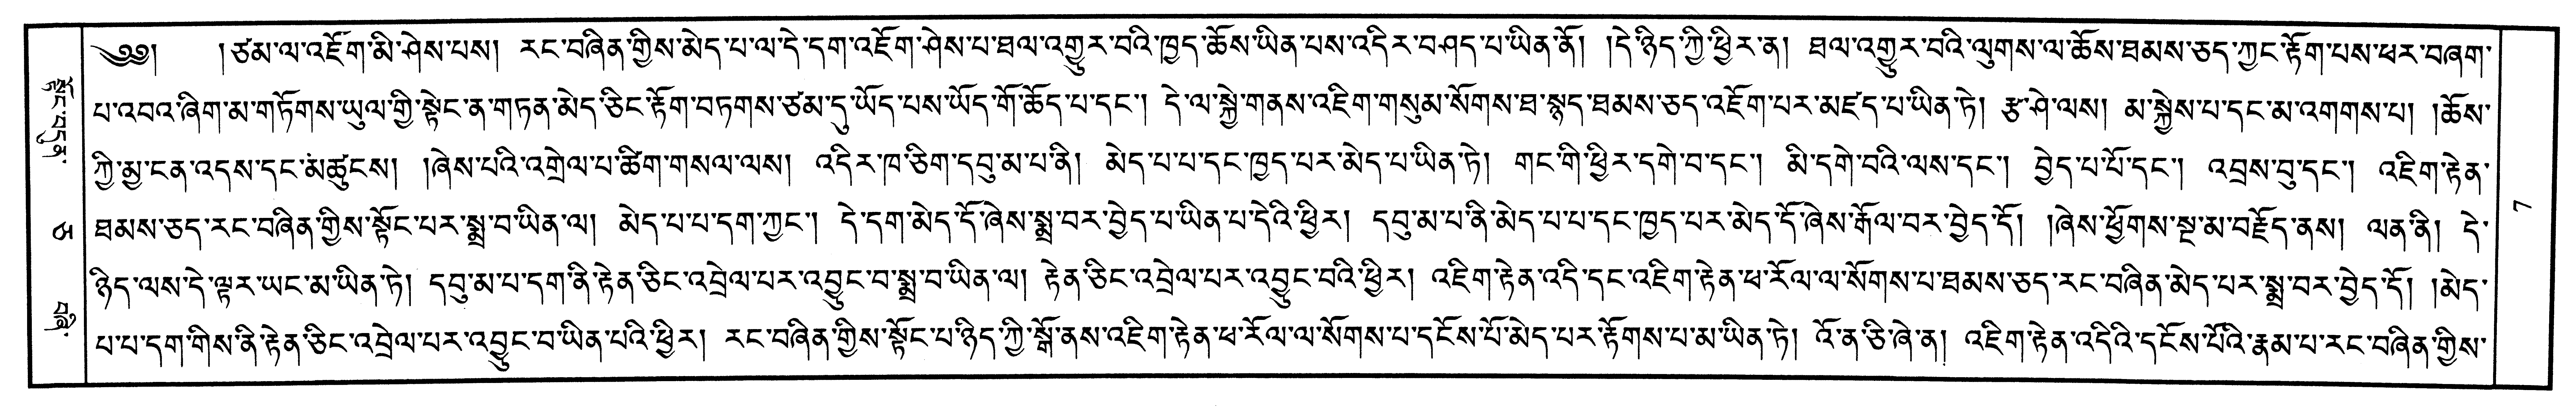༄༅། །ཙམ་ལ་འཇོག་མི་ཤེས་པས། རང་བཞིན་གྱིས་མེད་པ་ལ་དེ་དག་འཇོག་ཤེས་པ་ཐལ་འགྱུར་བའི་ཁྱད་ཆོས་ཡིན་པས་འདིར་བཤད་པ་ཡིན་ནོ། །དེ་ཉིད་ཀྱི་ཕྱིར་ན། ཐལ་འགྱུར་བའི་ལུགས་ལ་ཆོས་ཐམས་ཅད་ཀྱང་རྟོག་པས་ཕར་བཞག་
པ་འབའ་ཞིག་མ་གཏོགས་ཡུལ་གྱི་སྟེང་ན་གཏན་མེད་ཅིང་རྟོག་བཏགས་ཙམ་དུ་ཡོད་པས་ཡོད་གོ་ཆོད་པ་དང་། དེ་ལ་སྐྱེ་གནས་འཇིག་གསུམ་སོགས་ཐ་སྙད་ཐམས་ཅད་འཇོག་པར་མཛད་པ་ཡིན་ཏེ། རྩ་ཤེ་ལས། མ་སྐྱེས་པ་དང་མ་འགགས་པ། །ཆོས་
ཀྱི་མྱ་ངན་འདས་དང་མཚུངས། །ཞེས་པའི་འགྲེལ་པ་ཚིག་གསལ་ལས། འདིར་ཁ་ཅིག་དབུ་མ་པ་ནི། མེད་པ་པ་དང་ཁྱད་པར་མེད་པ་ཡིན་ཏེ། གང་གི་ཕྱིར་དགེ་བ་དང་། མི་དགེ་བའི་ལས་དང་། བྱེད་པ་པོ་དང་། འབྲས་བུ་དང་། འཇིག་རྟེན་
ཐམས་ཅད་རང་བཞིན་གྱིས་སྟོང་པར་སྨྲ་བ་ཡིན་ལ། མེད་པ་པ་དག་ཀྱང་། དེ་དག་མེད་དོ་ཞེས་སྨྲ་བར་བྱེད་པ་ཡིན་པ་དེའི་ཕྱིར། དབུ་མ་པ་ནི་མེད་པ་པ་དང་ཁྱད་པར་མེད་དོ་ཞེས་རྒོལ་བར་བྱེད་དོ། །ཞེས་ཕྱོགས་སྔ་མ་བརྗོད་ནས། ལན་ནི། དེ་
ཉིད་ལས་དེ་ལྟར་ཡང་མ་ཡིན་ཏེ། དབུ་མ་པ་དག་ནི་རྟེན་ཅིང་འབྲེལ་པར་འབྱུང་བ་སྨྲ་བ་ཡིན་ལ། རྟེན་ཅིང་འབྲེལ་པར་འབྱུང་བའི་ཕྱིར། འཇིག་རྟེན་འདི་དང་འཇིག་རྟེན་ཕ་རོལ་ལ་སོགས་པ་ཐམས་ཅད་རང་བཞིན་མེད་པར་སྨྲ་བར་བྱེད་དོ། །མེད་
པ་པ་དག་གིས་ནི་རྟེན་ཅིང་འབྲེལ་པར་འབྱུང་བ་ཡིན་པའི་ཕྱིར། རང་བཞིན་གྱིས་སྟོང་པ་ཉིད་ཀྱི་སྒོ་ནས་འཇིག་རྟེན་ཕ་རོལ་ལ་སོགས་པ་དངོས་པོ་མེད་པར་རྟོགས་པ་མ་ཡིན་ཏེ། འོ་ན་ཅི་ཞེ་ན། འཇིག་རྟེན་འདིའི་དངོས་པོའི་རྣམ་པ་རང་བཞིན་གྱིས་